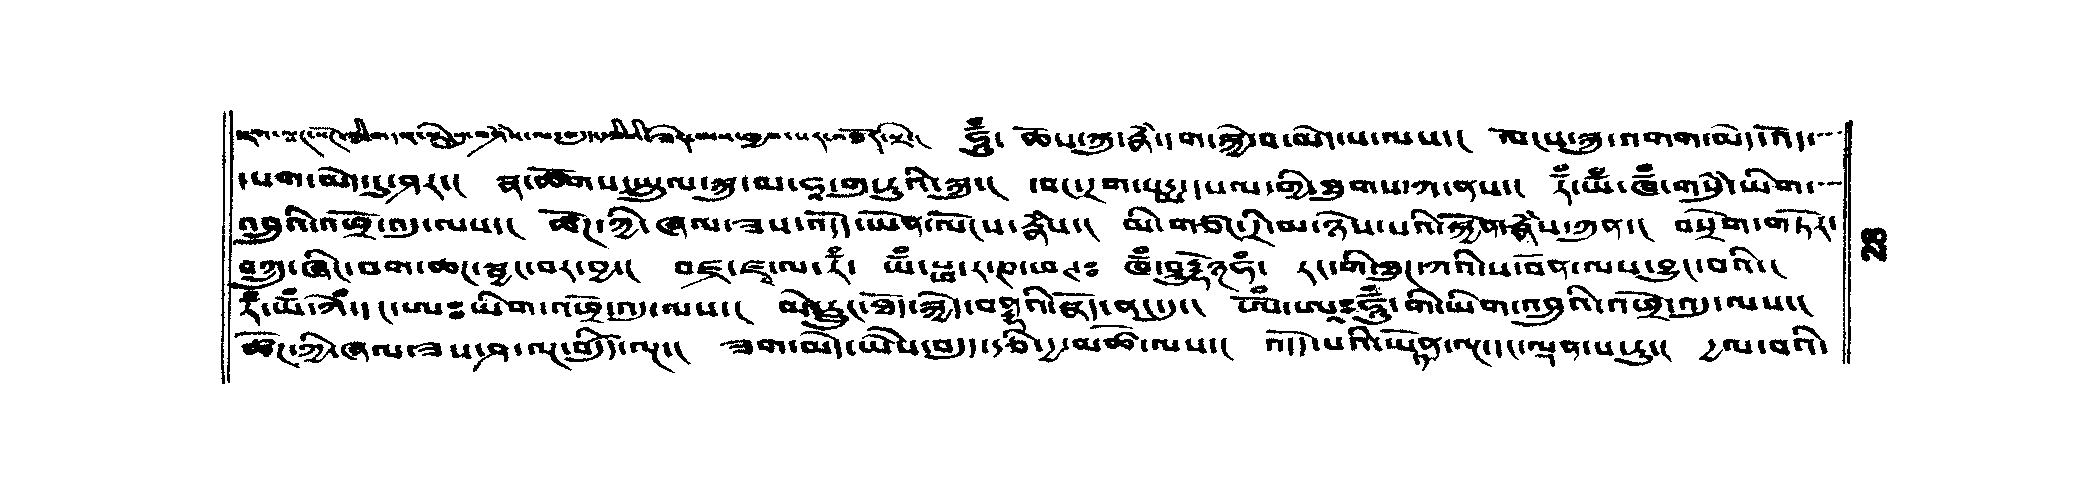སྟག་ལྤགས་སོགས་ཀྱི་གདན་སྟེང་དུ་བཤམས་ལ་བདུད་རྩིའི་ཟེར་ཡས་ཁྱབ་པར་འཐོར་ཏེ། ཧཱུྃ། ཆོས་སྐུ་རྣམ་དག་སྐྱེ་བ་མེད་པ་ལས། །ལོངས་སྐུ་འགག་མེད་འོད་
དཔག་མེད་དུ་ཤར། །སྣ་ཚོགས་སྤྲུལ་སྐུ་མ་ཧཱ་གུ་རུའི་སྐུ། །དབང་དྲག་པདྨ་དཔལ་གྱི་ཐུགས་ཀ་ནས། །རྃ་ཡྃ་ཁྃ་གསུམ་ཡིག་
འབྲུའི་འཕྲོ་འདུ་ལས། །ཚོགས་ཀྱི་ཞལ་ཟས་འདོད་ཡོན་ལོངས་སྤྱོད་རྣམས། །མི་གཙང་དྲི་མ་ཉེས་པས་སྐྱོན་རྣམས་ཀུན། །བསྲེག་གཏོར་
བཀྲུ་ཞིང་བག་ཆགས་སྦྱང་བར་བྱ། །བཛྲ་ཛྭ་ལ་རྃ། ཨྃ་སྥ་ར་ཎ་ཕཊཿ ཁྃ་ཤུདྡྷོ་ཉཧྃ། རང་གི་ཐུགས་ཀའི་ས་བོན་ལས་བྱུང་བའི། །
རྃ་ཡྃ་ཀེཾ་དང་ཨཿཡིག་འཕྲོ་འདུ་ལས། །མེ་རླུང་ཐོད་སྐྱེད་བནྡྷའི་སྣོད་ནང་དུ། །ཨོྃ་ཨཱ་ཧཱུྃ་གི་ཡིག་འབྲུའི་འཕྲོ་འདུ་ལས། །
ཚོགས་ཀྱི་ཞལ་ཟས་ཤ་ལྔ་བདུད་རྩི་ལྔ་། །ཟག་མེད་ཡེ་ཤེས་བདུད་རྩི་རྒྱ་མཚོ་ལས། །འདོད་པའི་ཡོན་ཏན་ལྔ་དང་ལྡན་པར་རུ། །རྒྱལ་བའི་